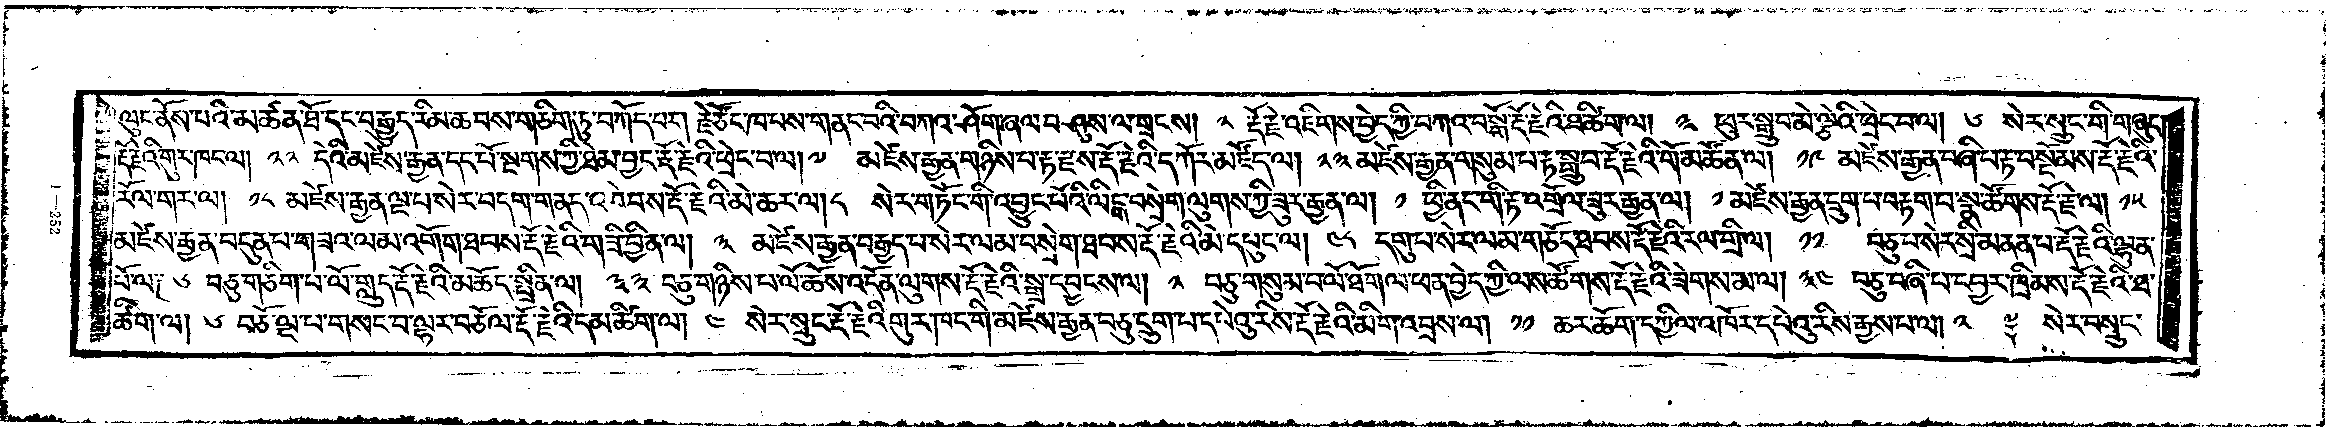ལུང་ནོས་པའི་མཚན་ཐོ་དང་བརྒྱུད་རིམ་ཆབས་གཅིག་ཏུ་བཀོད་པར། རྗེ་ཙོང་ཁ་པས་གནང་བའི་བཀའ་ཤོག་ཞལ་བཤུས་ལ་གྲངས། ༢་རྡོ་རྗེ་འཇིགས་བྱེད་ཀྱི་བཀའ་བསྒོ་རྡོ་རྗེའི་ཐ་ཚིག་ལ། ༣་ཕུར་སྒྲུབ་མེ་ལྕེའི་ཕྲེང་བ་ལ། ༦་སེར་སྲུང་གི་གཞུང་
རྡོ་རྗེའི་གུར་ཁང་ལ། ༢༢་དེའི་མཛེས་རྒྱན་དང་པོ་སྔགས་ཀྱི་ཐེམ་བྱང་རྡོ་རྗེའི་ཕྲེང་བ་ལ། ༧་མཛེས་རྒྱན་གཉིས་པ་རྟ་རྫས་རྡོ་རྗེའི་དཀོར་མཛོད་ལ། ༢༣་མཛེས་རྒྱན་གསུམ་པ་རྟ་སྒྲུབ་རྡོ་རྗེའི་གོ་མཚོན་ལ། ༡༩་མཛེས་རྒྱན་བཞི་པ་རྟ་བསྡོམས་རྡོ་རྗེའི་
རོལ་གར་ལ། ༡༨་མཛེས་རྒྱན་ལྔ་པ་སེར་བདག་གནད་འབེབས་རྡོ་རྗེའི་མེ་ཆར་ལ། ༨་སེར་གཏོང་གི་འབྱུང་པོའི་ལིངྒ་བསྲེག་ལུགས་ཀྱི་ཟུར་རྒྱན་ལ། ༡་ཕྱི་ནང་གི་རྟ་འགྲོལ་ཟུར་རྒྱན་ལ། ༡་མཛེས་རྒྱན་དྲུག་པ་བརྟག་པ་སྣ་ཚོགས་རྡོ་རྗེ་ལ། ༡༥
མཛེས་རྒྱན་བདུན་པ་གཟའ་ལམ་འགོག་ཐབས་རྡོ་རྗེའི་གཟི་བྱིན་ལ། ༣་མཛེས་རྒྱན་བརྒྱད་པ་སེར་ལམ་བསྲེག་ཐབས་རྡོ་རྗེའི་མེ་དཔུང་ལ། ༤༨་དགུ་པ་སེར་ལམ་གཅོད་ཐབས་རྡོ་རྗེའི་རལ་གྲི་ལ། ༡༡་བཅུ་པ་སེར་སྲི་མནན་པ་རྡོ་རྗེའི་ལྷུན་
པོ་ལ༑ ༦་བཅུ་གཅིག་པ་ལོ་གླུད་རྡོ་རྗེའི་མཆོད་སྤྲིན་ལ། ༣༣་བཅུ་གཉིས་པ་ལོ་ཆོས་འདོན་ལུགས་རྡོ་རྗེའི་སྒྲ་དབྱངས་ལ། ༢་བཅུ་གསུམ་པ་ལོ་ཐོག་ལ་ཕན་བྱེད་ཀྱི་ལས་ཚོགས་རྡོ་རྗེའི་ཟེགས་མ་ལ། ༣༤་བཅུ་བཞི་པ་དབྱར་ཁྲིམས་རྡོ་རྗེའི་ཐ་
ཚིག་ལ། ༦་བཅོ་ལྔ་པ་གསང་བ་ལྷར་བཅོལ་རྡོ་རྗེའི་དམ་ཚིག་ལ། ༤་སེར་སྲུང་རྡོ་རྗེའི་གུར་ཁང་གི་མཛེས་རྒྱན་བཅུ་དྲུག་པ་དཔེའུ་རིས་རྡོ་རྗེའི་མིག་འབྲས་ལ། ༡༡་ཆར་ཆོག་དཀྱིལ་འཁོར་དཔེའུ་རིས་རྒྱས་པ་ལ། ༢་འ་སེར་བསྲུང་